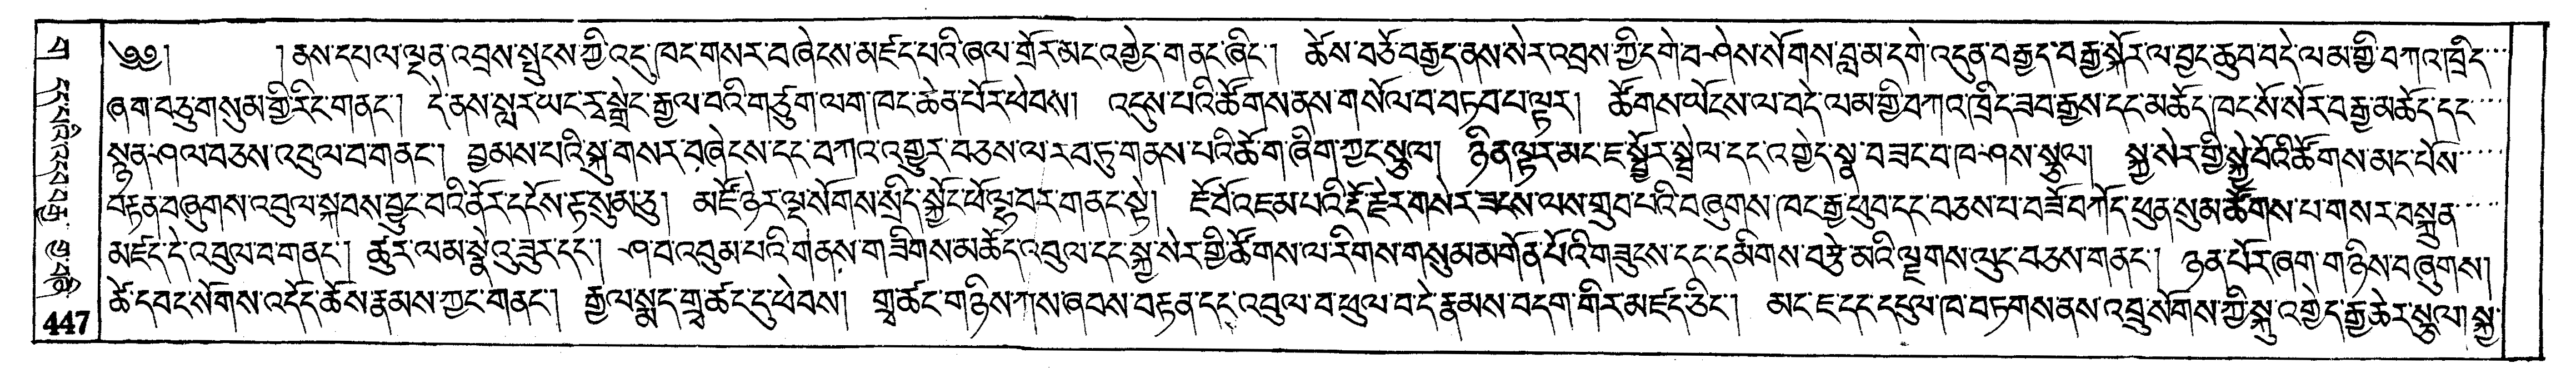༄༅། །ནས་དཔལ་ལྡན་འབྲས་སྤུངས་ཀྱི་འདུ་ཁང་གསར་བཞེངས་མཛད་པའི་ཞལ་གྲོར་མང་འགྱེད་གནང་ཞིང་། ཚེས་བཅོ་བརྒྱད་ནས་སེར་འབྲས་ཀྱི་དགེ་བཤེས་སོགས་བླ་མ་དགེ་འདུན་བརྒྱད་བརྒྱ་སྐོར་ལ་བྱང་ཆུབ་བདེ་ལམ་གྱི་བཀའ་ཁྲིད་
ཞག་བཅུ་གསུམ་གྱི་རིང་གནང་། དེ་ནས་སླར་ཡང་རྭ་སྒྲེང་རྒྱལ་བའི་གཙུག་ལག་ཁང་ཆེན་པོར་ཕེབས། འདུས་པའི་ཚོགས་ནས་གསོལ་བ་བཏབ་པ་ལྟར། ཚོགས་ཡོངས་ལ་བདེ་ལམ་གྱི་བཀའ་ཁྲིད་ཟབ་རྒྱས་དང་མཆོད་ཁང་སོ་སོར་བརྒྱ་མཆོད་དང་
སྙན་ཤལ་བཅས་འབུལ་བ་གནང་། བྱམས་པའི་སྐུ་གསར་བཞེངས་དང་བཀའ་འགྱུར་བཅས་ལ་རབ་ཏུ་གནས་པའི་ཆོ་ག་ཞིག་ཀྱང་སྩལ། ཉིན་ལྟར་མང་ཇ་སྦྱོར་སྤྲེལ་དང་འགྱེད་སྣ་བཟང་བ་ཁ་ཤས་སྩལ། སྐྱ་སེར་གྱི་སྐྱེ་བོའི་ཚོགས་མང་པོས་
བརྟན་བཞུགས་འབུལ་སྐབས་བྱུང་བའི་ནོར་དངོས་རྟ་སུམ་ཅུ། མཛོ་ཉེར་ལྔ་སོགས་སྲིང་སྐྱོང་ཕོ་ལྷ་བར་གནང་སྟེ། ཇོ་བོ་འཇམ་པའི་རྡོ་རྗེར་གསེར་ཟངས་ལས་གྲུབ་བའི་བཞུགས་ཁང་རྒྱ་ཕུབ་དང་བཅས་པ་བཟོ་བཀོད་ཕུན་སུམ་ཚོགས་པ་གསར་བསྒྲུན་
མཛད་དེ་འབུལ་བ་གནང་། ཚུར་ལམ་སྣེའུ་ཟུར་དང་། ཤ་བ་འབུམ་པའི་གནས་གཟིགས་མཆོང་འབུལ་དང་སྐྱ་སེར་གྱི་ཚོགས་ལ་རིགས་གསུམ་མགོན་བོའི་གཟུངས་དང་དམིགས་བརྩེ་མའི་ལྗགས་ལུང་བཅས་གནང་། ཉན་པོར་ཞག་གཉིས་བཞུགས།
ཚེ་དཔང་སོགས་འདོད་ཆོས་རྣམས་ཀྱང་གནང་། རྒྱལ་སྨད་གྲྭ་ཚང་དུ་ཕེབས། གྲྭ་ཚང་གཉིས་ཀས་ཞབས་བརྟན་དང་འབུལ་བ་ཕུལ་བདེ་རྣམས་བདག་གིར་མཛད་ཅིང་། མང་ཇ་དང་དངུལ་ཁ་བཏགས་ནས་འབྲུ་སོགས་ཀྱི་སྐུ་འགྱེད་རྒྱ་ཆེར་སྩལ། སྐྱ་